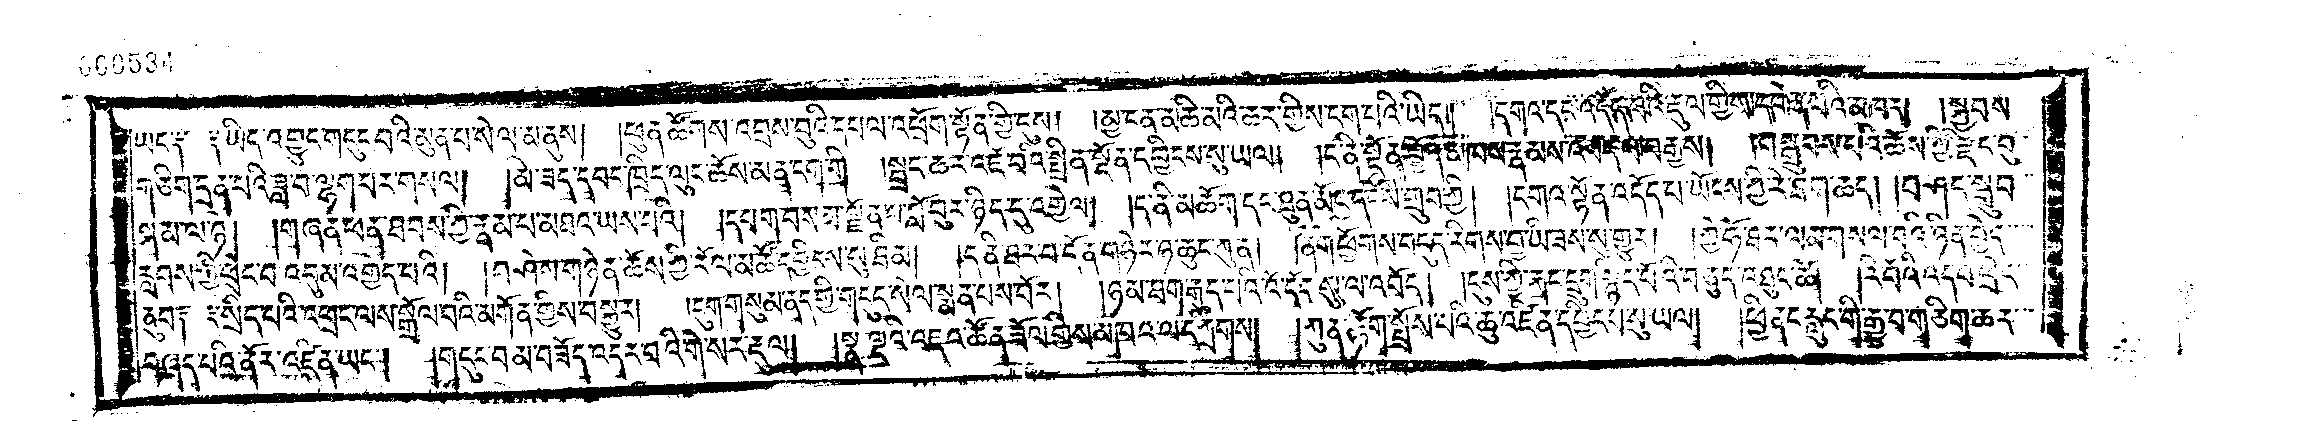ཡང༑ ༑ཡིད་འབྱུང་གདུང་བའི་མུན་པ་སེལ་མ་ནུས། །ཕུན་ཚོགས་འབྲས་བུའི་དཔལ་འཕྲོག་སྟོན་གྱི་དུས། །མྱ་ངན་མཆི་མའི་ཆར་གྱིས་དག་པའི་ཡིད། །དགའ་དང་འདོད་པའི་རྡུལ་གྱིས་དབེན་པའི་མཁར། །སྐྱབས་
གཅིག་དྲན་པའི་ཟླ་བ་ལྷག་པར་གསལ། །མི་ཟད་དབང་ཁྲིད་ལུང་ཆོས་མན་ངག་གི །སྦྲང་ཆར་འཇོ་བའི་སྤྲིན་སྔོན་དབྱིངས་སུ་ཡལ། །ད་ནི་སྔོན་བྱོན་མཁས་རྣམས་འབད་པ་བརྒྱས། །བསྒྲུབས་པའི་ཆོས་ཀྱི་རྫིང་བུ་
སྐམ་ལ་ཉེ། །གཞན་ཕན་ཐབས་ཀྱི་རྣམ་པ་མཐའ་ཡས་པའི། །དཔག་བསམ་ལྗོན་པ་གློ་བུར་ཉིད་དུ་འགྱེལ། །ད་ནི་མཆོག་དང་ཐུན་མོང་དངོས་གྲུབ་ཀྱི། །དགའ་སྟོན་འདོད་པ་ཡོངས་ཀྱི་རེ་ཐག་ཆད། བཤད་སྒྲུབ་
རླབས་ཀྱི་ཕྲེང་བ་འབུམ་འགྱེད་པའི། །བཤེས་གཉེན་ཆོས་ཀྱི་རོལ་མཚོ་དབྱིངས་སུ་ཐིམ། །ད་ནི་ཐར་པ་དོན་གཉེར་ཉ་ཆུང་ཀུན། །ནག་ཕྱོགས་བདུད་རིགས་བྱ་ཡི་ཟས་སུ་གྱུར། །ཀྱེ་ཧོ་ཐར་ལམ་གསལ་བའི་ཉིན་བྱེད་
ནུབ༑ ༑སྲིད་པའི་འཕྲང་ལས་སྒྲོལ་བའི་མགོན་གྱིས་བསྒྱུར། །དུག་གསུམ་ནད་ཀྱི་གདུང་སེལ་སྨན་པས་བོར། །ཉམ་ཐག་རྒུད་པའི་འོ་དོད་སུ་ལ་འབོད། །དུས་ཀྱི་རྐང་དྲུག་སྙིང་པོའི་བཅུད་འཐུང་ཚེ། །རི་བོའི་འདབ་ཕྲེང་
བཞད་པའི་ནོར་འཛིན་ཡང་། །གདུང་བ་མ་བཟོད་འདར་བའི་གེ་སར་རྡུལ། །སྣ་ལྔའི་འཇའ་ཚོན་ཟོལ་གྱིས་མཁའ་ལ་དཀྲིགས། །ཀུན་རྟོག་སྤྲོས་པའི་ཆུ་འཛིན་དབྱིངས་སུ་ཡལ། །ཕྱི་ནང་རླུང་གི་རྒྱུ་བ་གཅིག་ཆར་